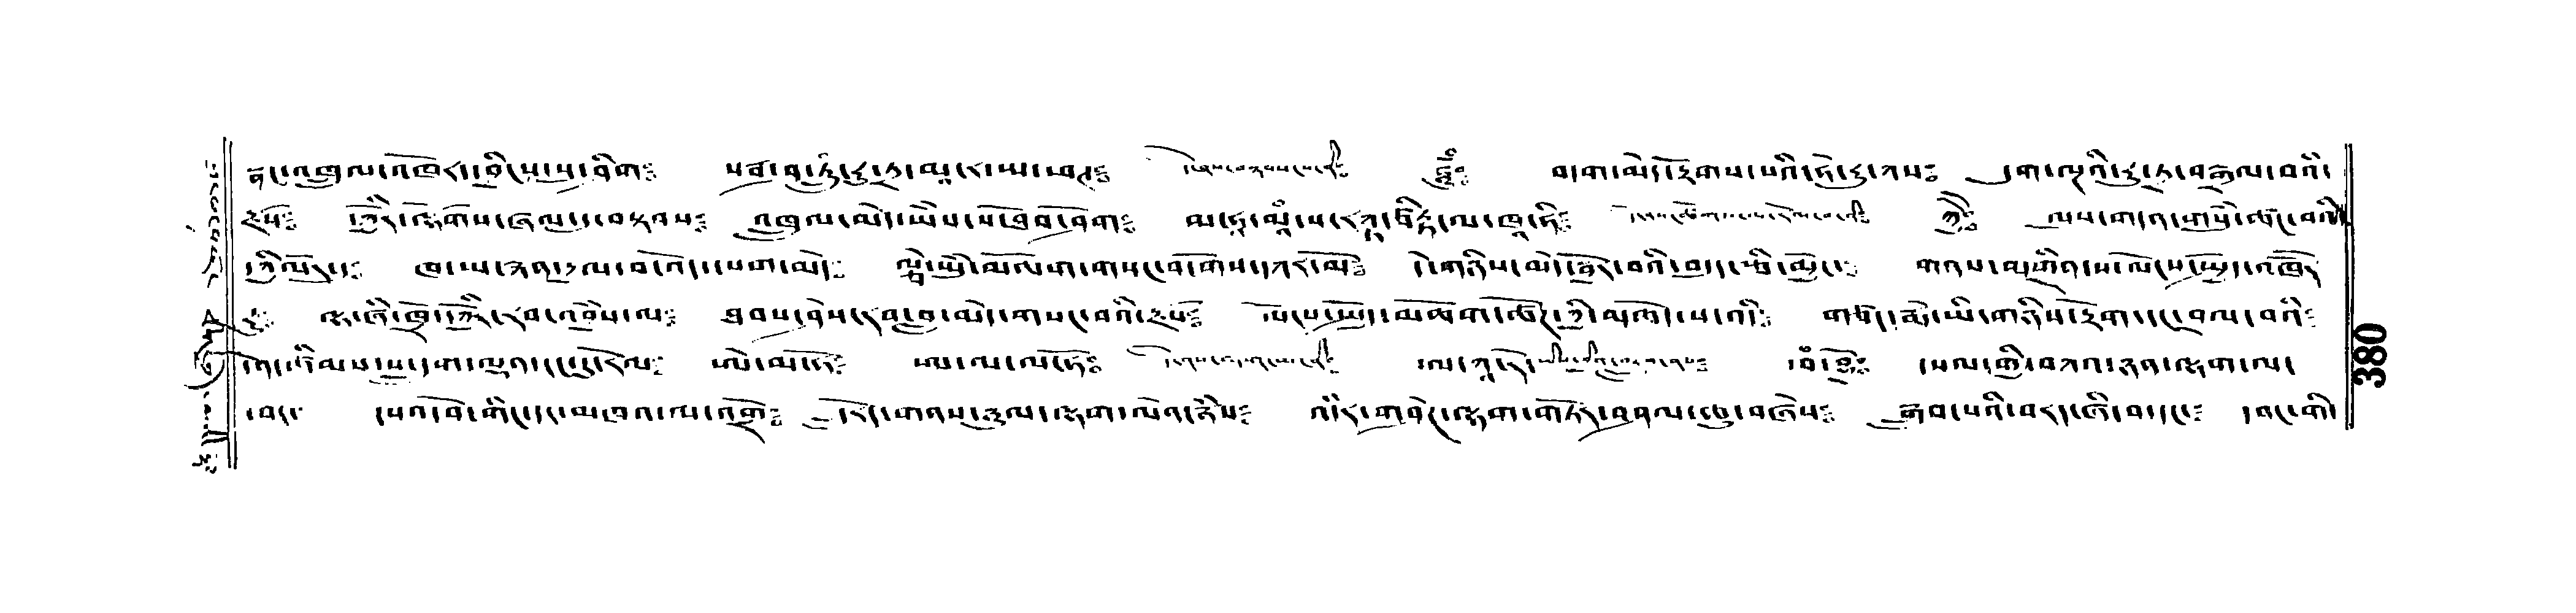སྣང་འཁྲུལ་འཁོར་དབྱིངས་སུ་ཤིག༔ སརྦ་ཤ་ཏྲུཾ་རུ་ཏྲ་མཱ་ར་ཡ་ཕཊཿ དེ་ནས་བསྟབས་པ་ནི༔ ཧཱུྃ༔ བདག་མེད་རྟོགས་པའི་ཧེ་རུ་ཀས༔ དུག་ལྔའི་རུ་ཏྲ་བསྒྲལ་བའི་
རྫས༔ དཀྱིལ་འཁོར་ལྷ་ཚོགས་ཞལ་དུ་བསྟབ༔ འཁྲུལ་མེད་ཡེ་ཤེས་ས་ཐོབ་ཤོག༔ མ་ཧཱ་མཱཾ་ས་རཀྟ་ཙིཏྟ་ལ་ཁཱ་ཧིཿ དེ་ནས་ཚོགས་ལ་རོལ་བ་ནི༔ ཀྱཻ༔ ལུས་གདན་གསུམ་ཚང་བའི་
དཀྱིལ་འཁོར་དུ༔ ཁ་ཡ་རྐན་རྒྱལ་བ་འོད་དཔག་མེད༔ ལྕེ་ཡུམ་མཆོག་གསང་བ་གོས་དཀར་མོ༔ དེ་གཉིས་མེད་སྦྱོར་བའི་བདུད་རྩི་མྱོང༔ གནས་མགྲིན་པ་ལོངས་སྤྱོད་འཁོར་ལོ་
རུ༔ ལྷ་ཞི་ཁྲོ་དཀྱིལ་འཁོར་རབ་འབྱམས་ལ༔ ཐབས་ཤེས་རབ་བླ་མེད་གསང་བའི་རྫས༔ ལོངས་སྤྱོད་མཆོག་ཚོགས་ཀྱི་མཆོད་པ་འདི༔ གཙང་རྨེ་ཡི་གཉིས་རྟོག་དང་བྲལ་བའི༔ 
དོན་ཚིམས་པ་དྲུག་ལྡན་ངང་དུ་རོལ༔ ཨེ་མ་ཧོཿ ཨ་ལ་ལ་ཧོཿ དེ་ནས་ལྷག་མ་ནི༔ ཨ་ཀཱ་རོ་ཡིས་བྱིན་བརླབས་ནས༔ ཕེཾ་བྷྱོ༔ དཔལ་གྱི་བཀའ་ཉན་ལྷག་ལ་
དབང༔ དཔའ་བོ་གིང་དང་མཁའ་ལ་འགྲོ༔ དུར་ཁྲོད་གནས་ཉུལ་ལྷག་ལེན་རྣམས༔ འདིར་གཤེགས་ལྷག་གཏོར་བཤལ་ཆུ་བཞེས༔ སྒྲུབ་པའི་བར་ཆད་ཞི་བ་དང༔ དབང་གི་